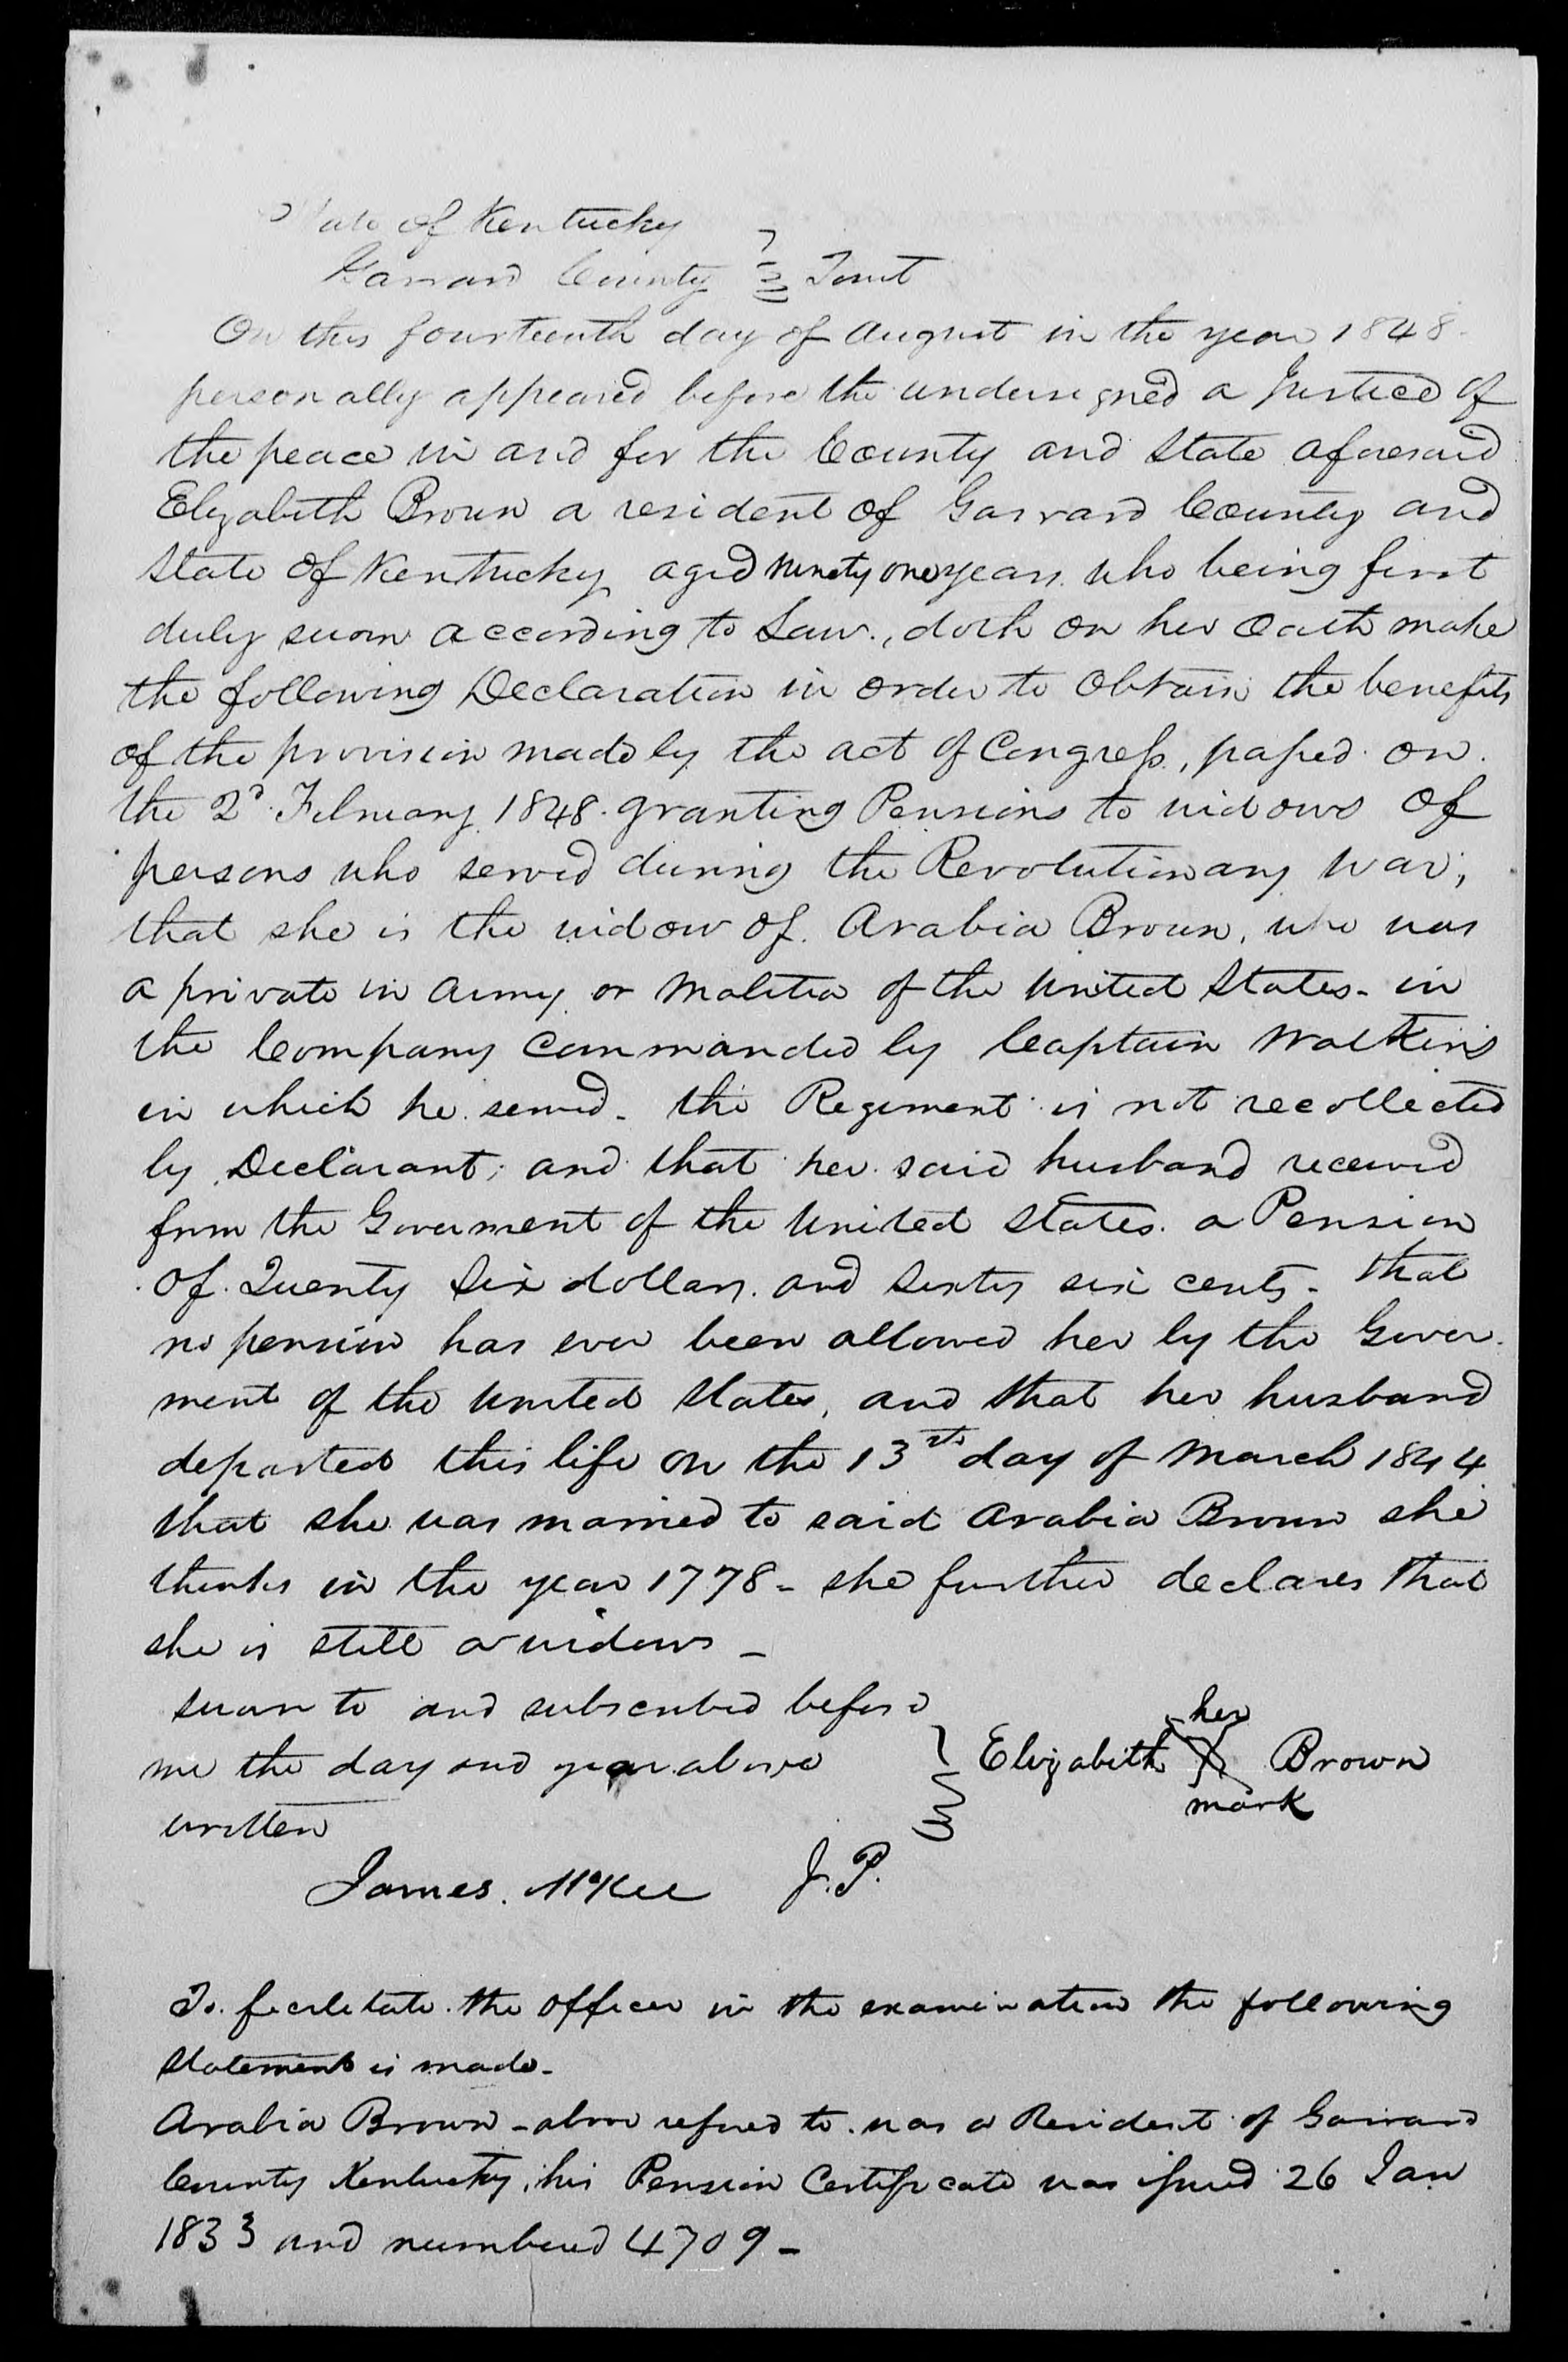State of Kentucky

Garland County Court
On this fourteenth day of August in the year 1848
personally appeared before the undersigned a 
Justice of
the peace in and for the County and State aforesaid
Elizabeth Brown a resident of Garrard County and 
State of Kentucky aged ninety one year who
being first
duly sworn according to Law. , doth on her oath 
make
the following Declaration in order to obtain the
benefits
of the provision made by Congress, prassed on
the 2nd February 1848 granting Pensions to widows of
persons who served during the Revolutionary War;
that she is the widow of Arabia Brown, who was
a private in any of Malitia of United States, in
the Company Cammanded by Captain Waltins
in which he served. the Regiment is not recollected
by Declarant and that her said husband received
from the Government of the United States. a Pension
of Twenty Six dollar and sixty six cents. that 
no pension has ever been allowed her by the  Govern
meant of the United States and that her husband
departed this life on the 13th day of March 1844
that she was married to said Arabia Brown she
thinks in the year 1778.  she further declares that
she is still a widow.
Swarn to subscribed before
me the day and year above
written
James McKee. J.P.  

Elizabeth X. Brown (X is crossed out with the word "her" above it and "mark" below)
To facilitate the officer in the examination the following
statement is made.
Arabia Brown-above referred to man a Resident  of Garrand
County Kentucky his Pension Certificate was filed 26 Jan
1833 and numbered 4709-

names: Watkins, Elizabeth Brown, Arabia Brown, James Mc Kee, Elizabeth Brown, Arabia Brown, Arabia Brown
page: 22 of 65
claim: widow's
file: W. 8384, Arabia Brown, Va.